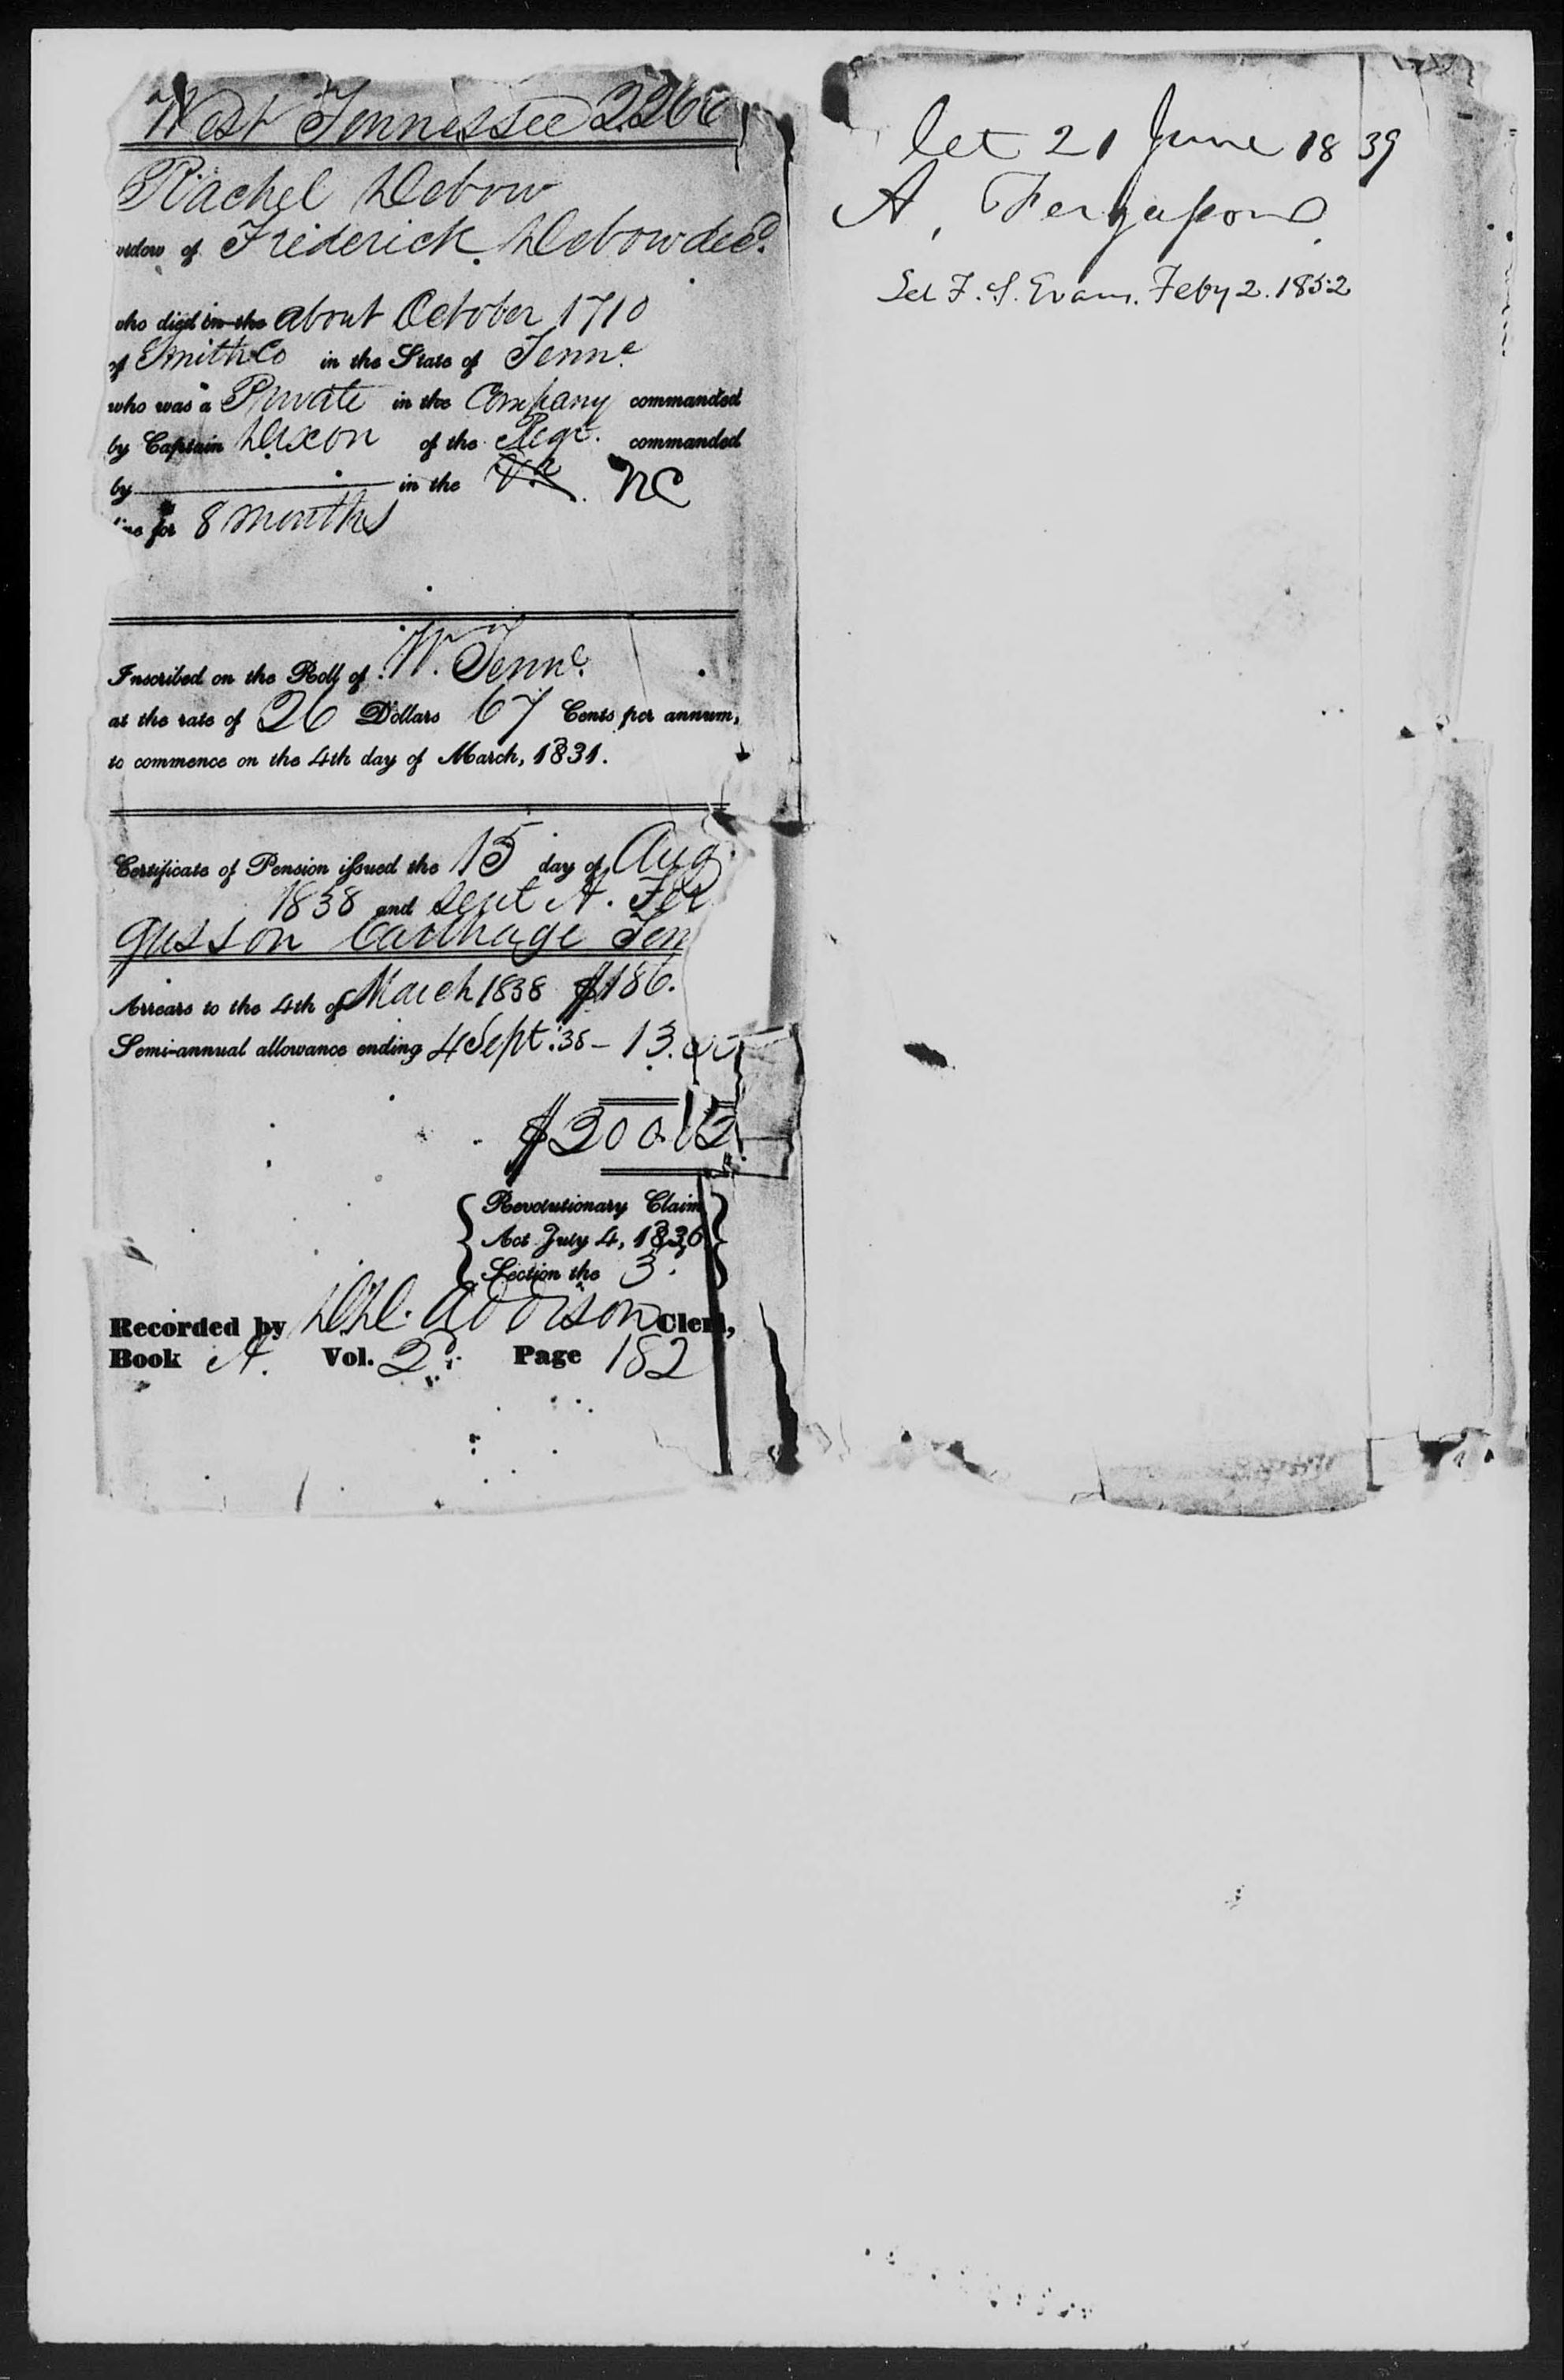Rachel Debow}  	[struck through a Chaterine and of June N.Y a N 38]
Ten No 3170}
36 [struck through 38]}
Adrand June ‘38]
Page 53
[Front and back of form]
[Front of form]
West Tennessee 53599
Rachel Debow
Widow of Frederick Debow decd [deceased]
Who died in-the  about October 1710
Of Smith Co in the State of Tenne.
Who was a Private in the company commanded
By Captain   [illegible]  of the Regt [regent] commanded
By ------- in the [struck through] NC
[illegible] for 8 months. 
Inscribed on the Roll of W Tenne.
At the sats of 26 Dollars 67 cents for annnum
To commence on the 4th day of March, 1834.
Certificate of Pension issued the 15 day of Augu.
183 and sent A Fer
Gusson Carthage Ten
Assears to the 4th of March 1838 $186
Semi-annual allowance ending 4 Sept 38-13.00
		                   $300.02
		{Revolutionary Claim]
		{Act July 4, 1836}
		{Section the 3.}
Recorded by D D Addison Clerk, 
Book A, Vol 2,nd Page 182
[Back of form]
Let 21 June 1839
A Fergusson 
[illegible] F S Evans Feby 2. 1852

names: Frederick Debow, A Fergusson, D D Addison, F S Evans, Rachel Debow, Dixon, A Fergusson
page: 53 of 62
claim: widow's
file: W 7005, Frederick Debow, N.C.